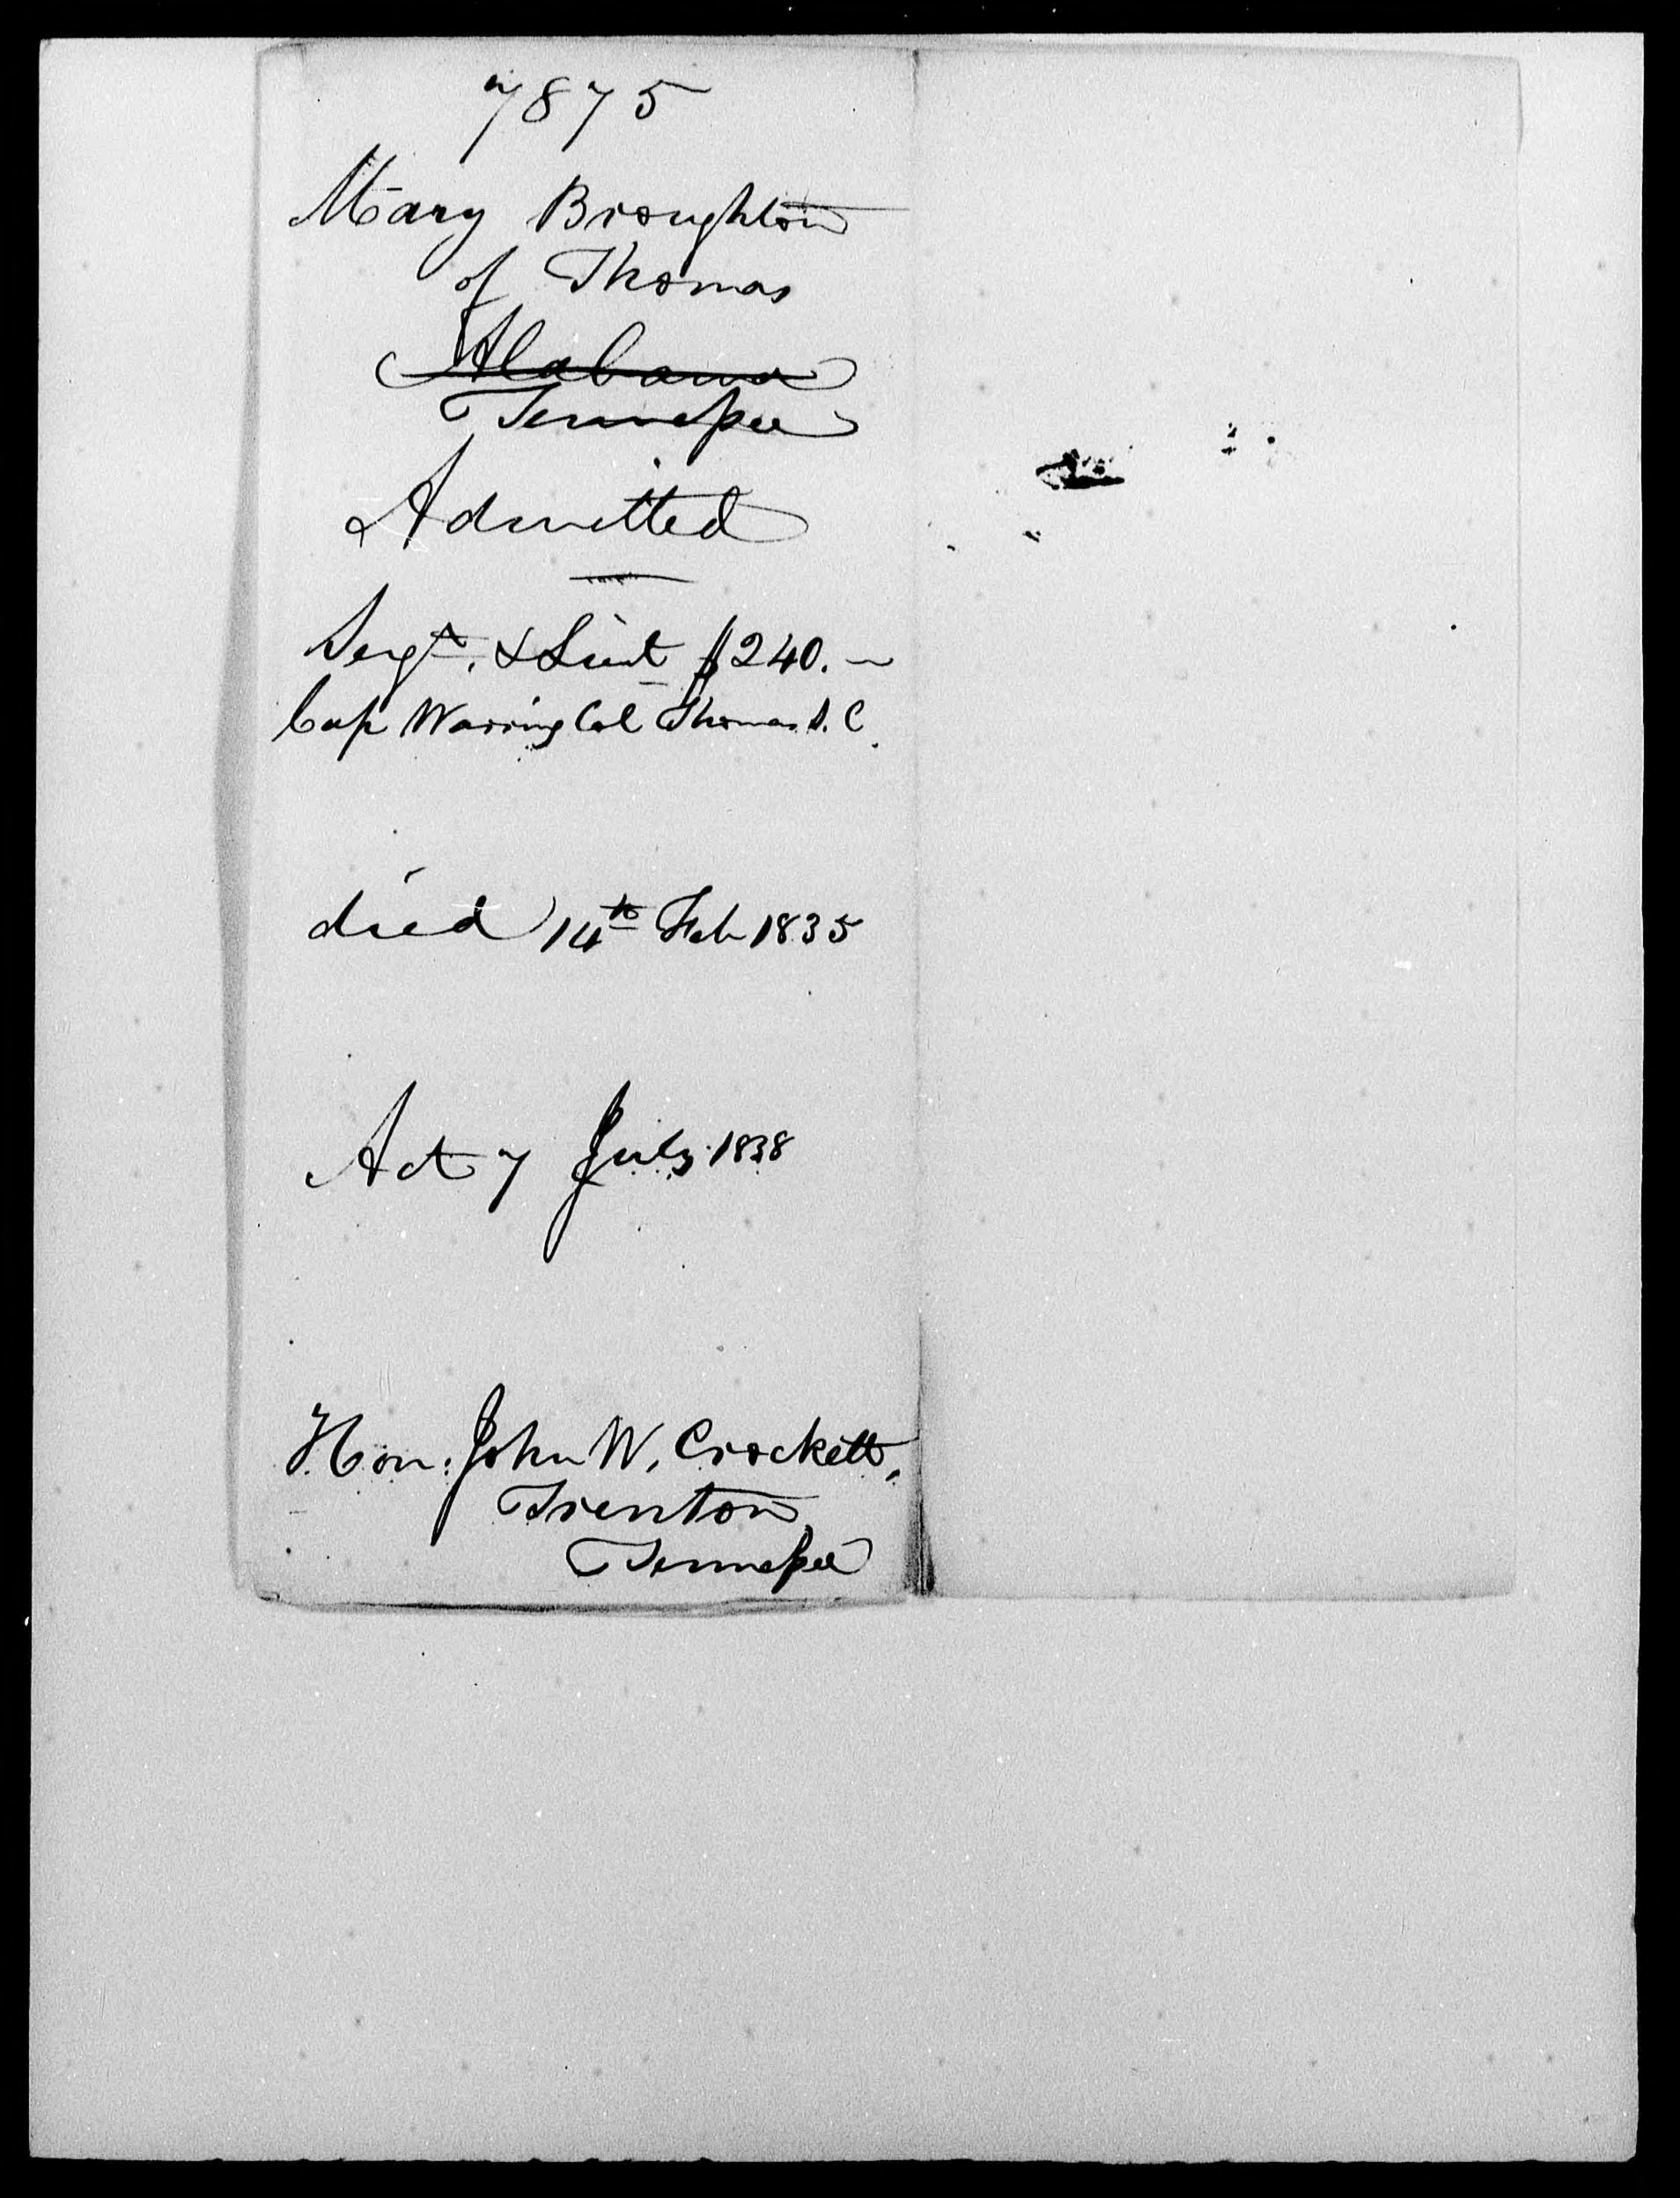7875
Mary Broughton
of Thomas
Tennessee
Admitted
-
Sergt. & Lieut $240. -
-
Cap Warring Col Thomas S. C.
died 14th Feb 1835

Act 7 July 1838

Hon John W. Crockett
Trenton
Tennessee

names: Thomas, Warring, John W Crockett, Thomas Broughton, Mary Broughton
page: 52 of 72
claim: widow's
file: W. 897, Thomas Broughton, S.C.